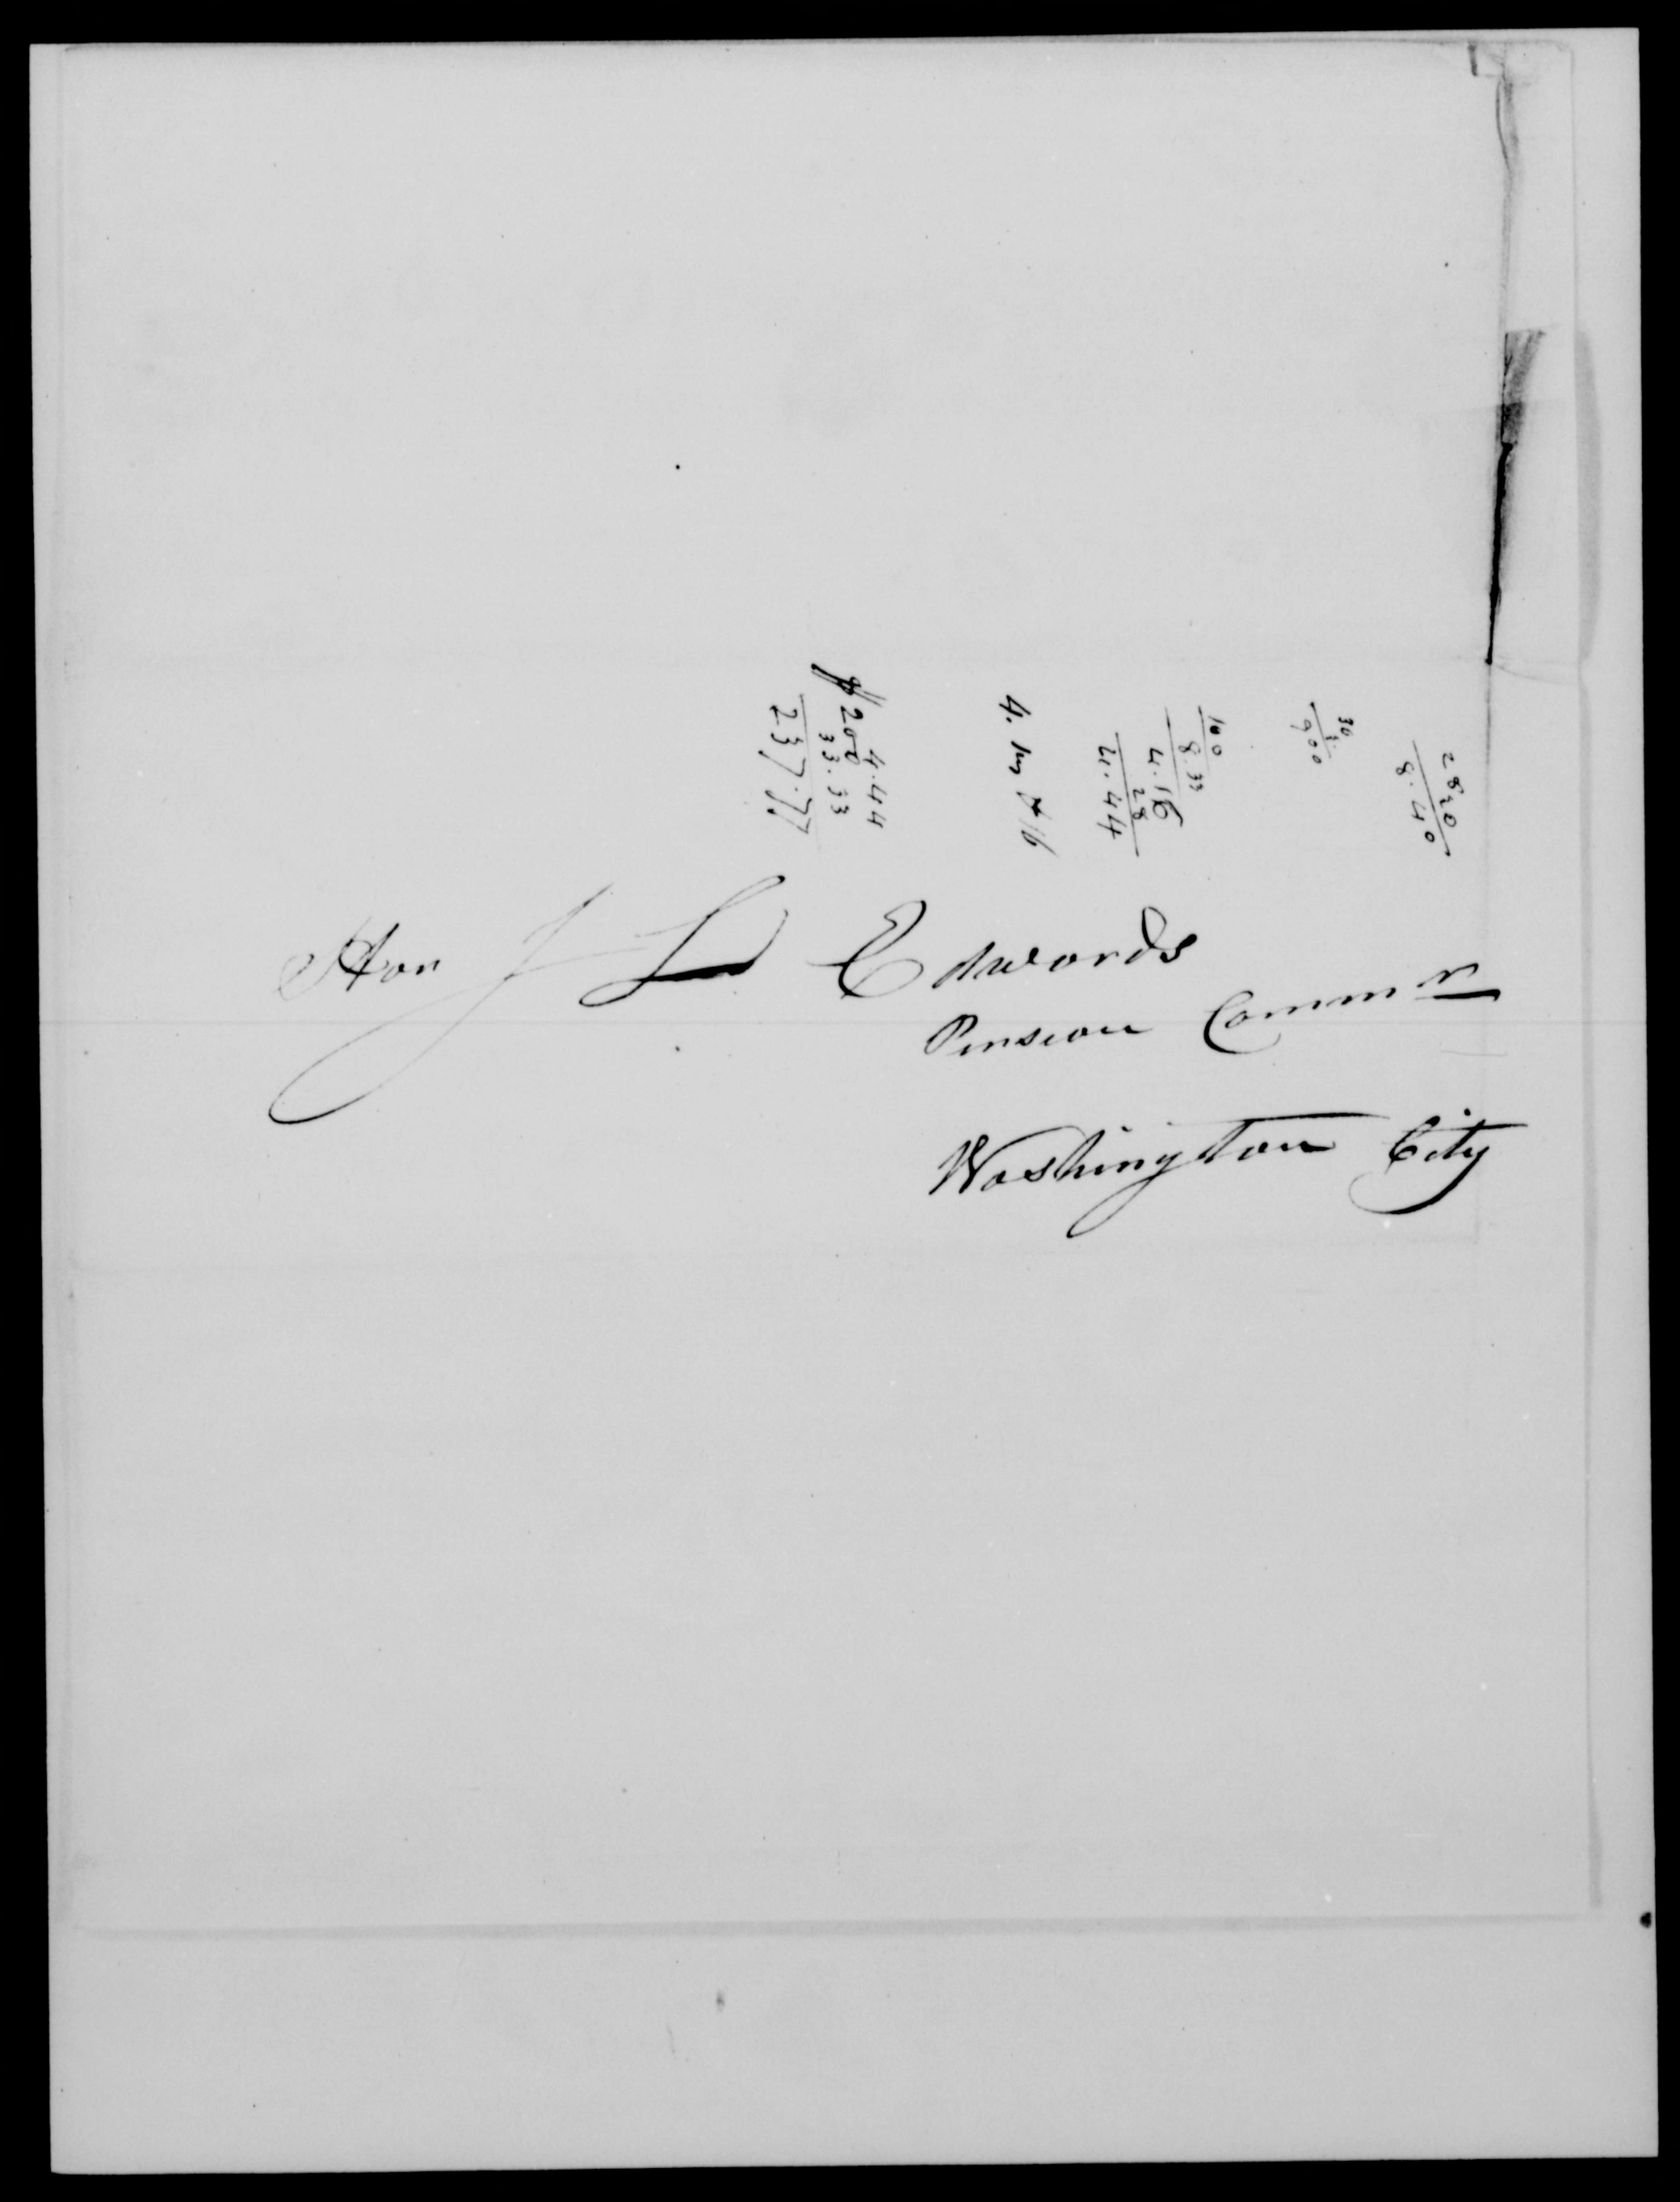Hon J L Edwards 
Pension Commisn
Washington City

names: J L Edwards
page: 20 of 24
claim: widow's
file: W. 15,338, for William Sibley, Massachusetts